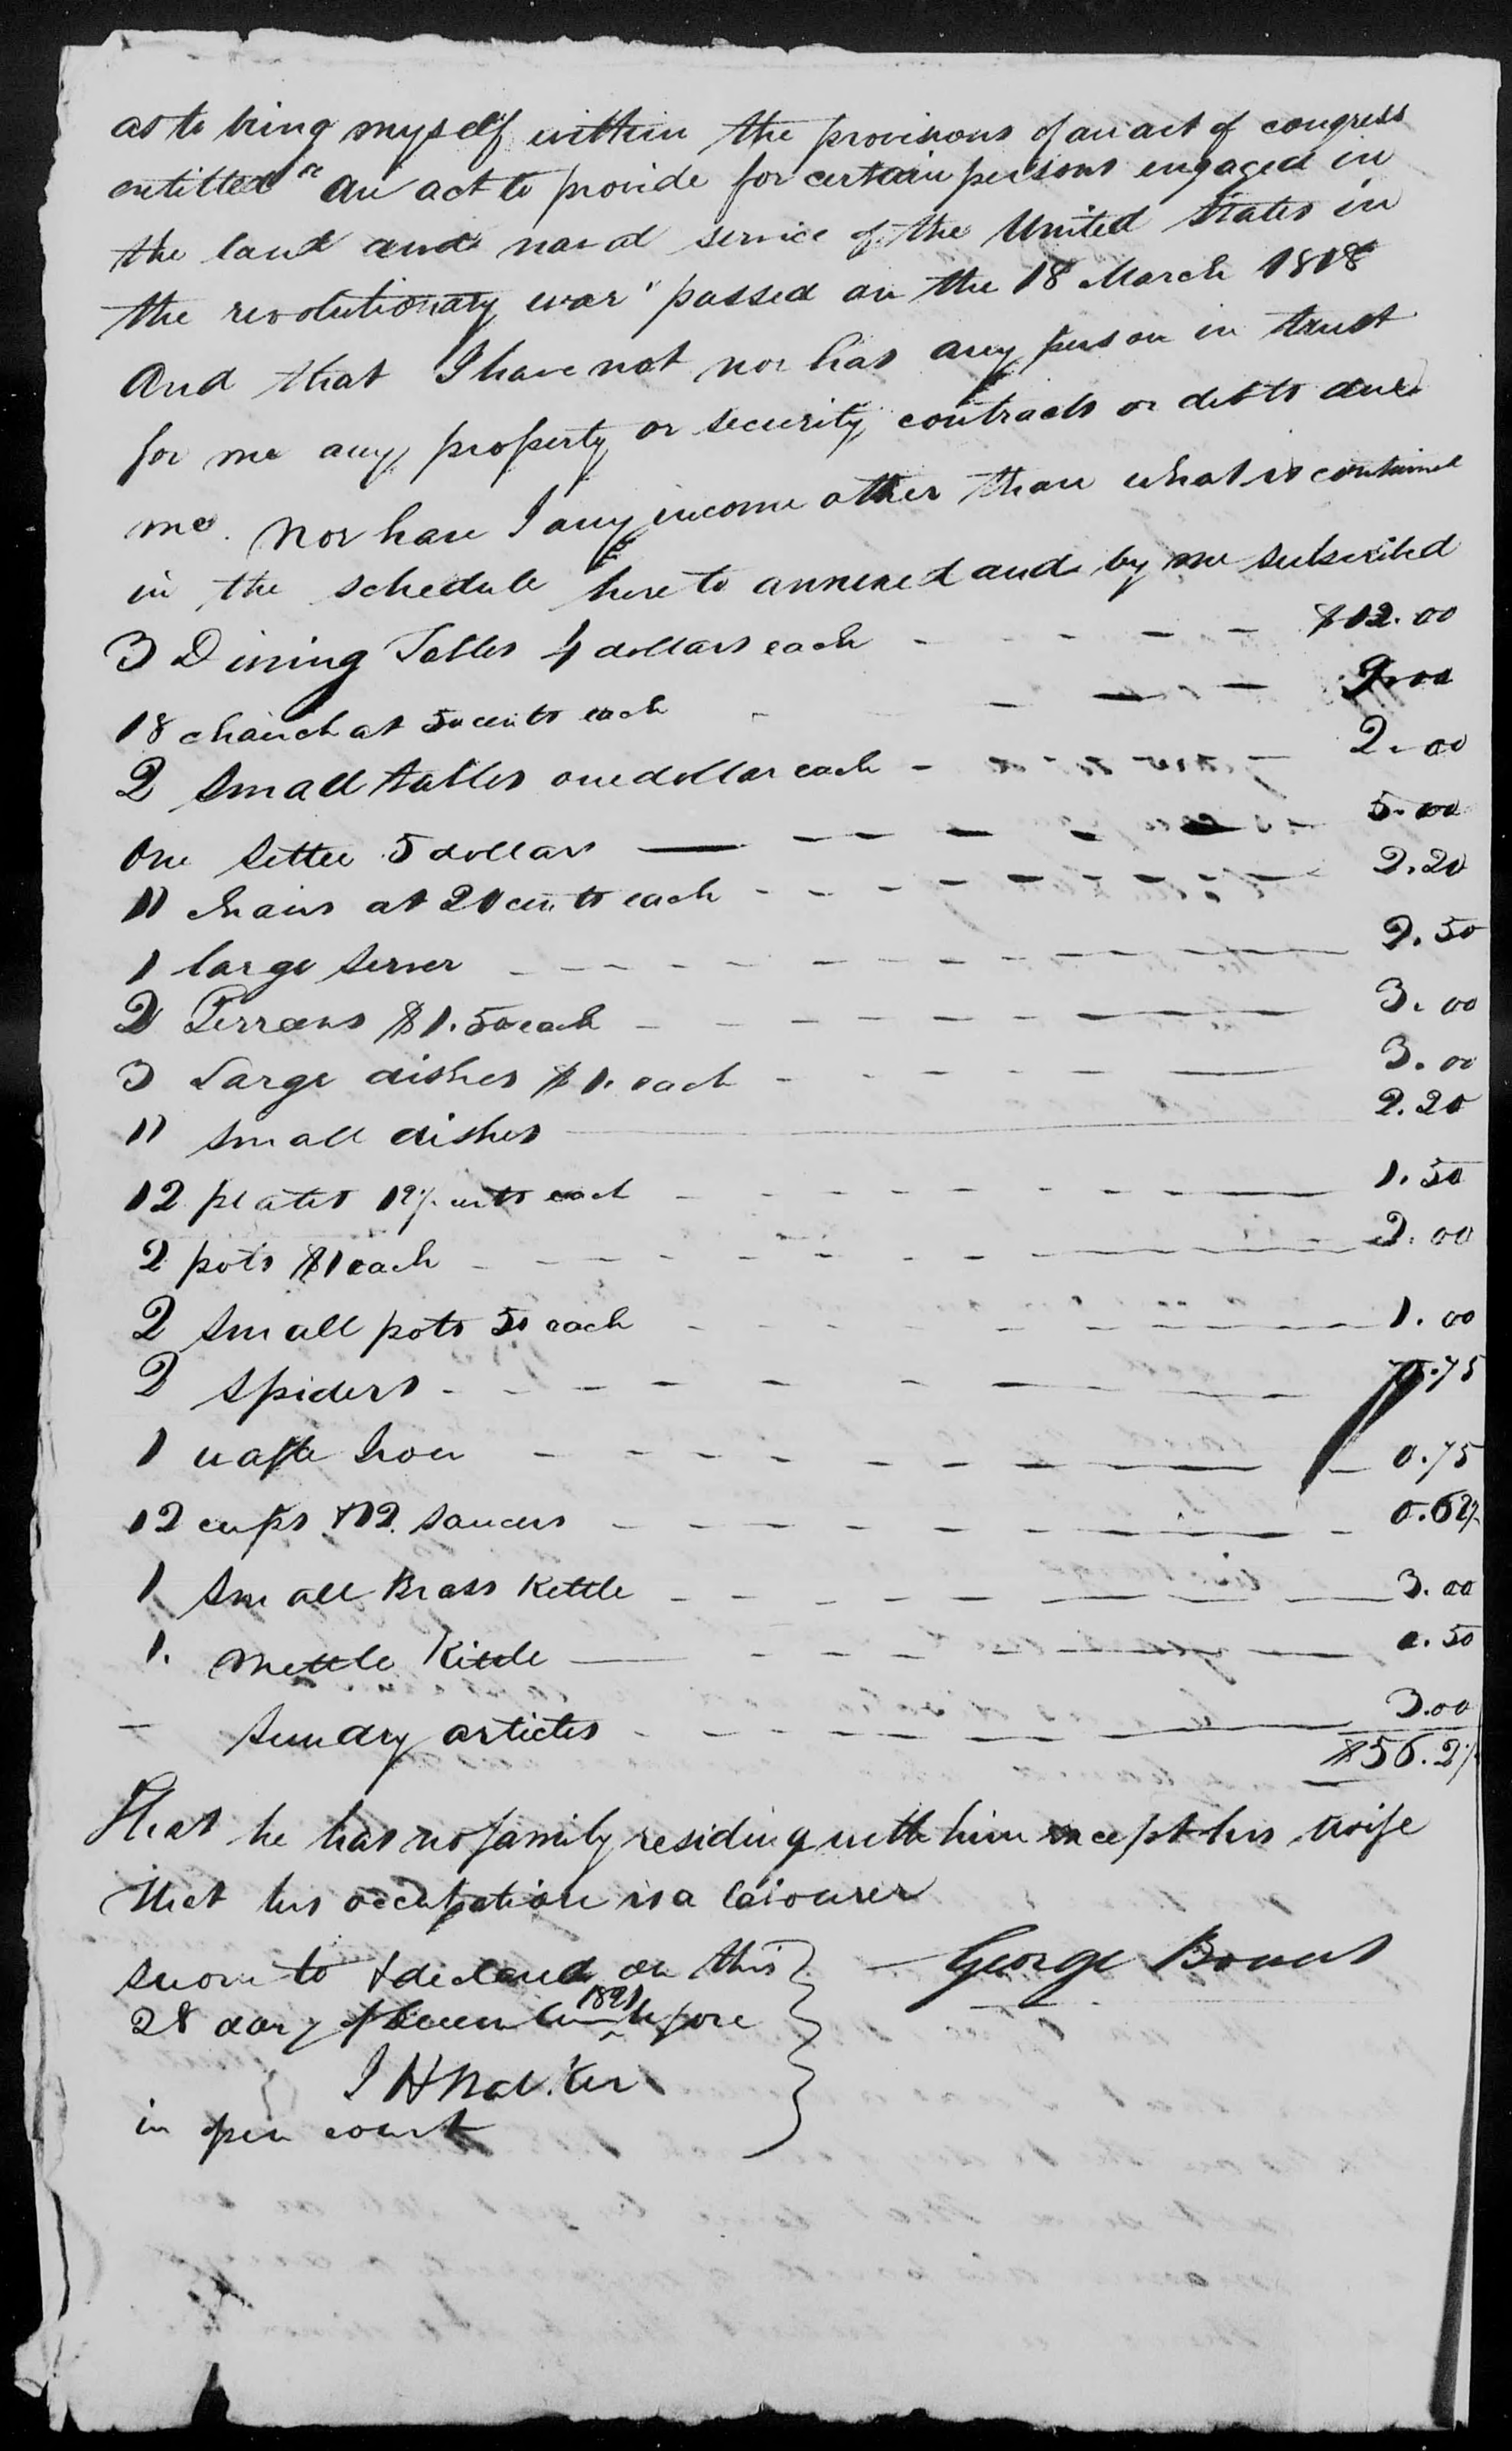[handwritten]
as to bring myself within the provisions of an act of Congress entitled “an act to provide for certain persons engaged in the land and naval service of the United States in the Revolutionary War” passed on the 18th day of March 1818 and that I have not nor has any person in trust for me any property or securities contracts or debts due to me nor have I any income other than what is contained in the Schedule hereto annexed and by me subscribed.
3 Dining Tables 4 dollars each. $12.00
18 chair at 50 cents each. . . . . . . . 9.00
2 Small tables one dollar each.. . . 2.00
One Settee 5 dollars. . . . . . . . . . . 5.00
11 chairs at 20 cents each. . . . . . . 2.20
1 large server. . . . . . . . . . . . . . . . 2.50
2 Perrans $1.50 each.. . . . . . . . 3.00
11 small dishes. . . . . . . . . . . . . . . 2.20
12 plates 12½ cents each.. . . . . . . 1.50
2 pots $1 each.. . . . . . . . . . . . . . . 2.00
2 small pots 50 each. . . . . . . . . . . 1.00
2 spiders. . . . . . . . . . . . . . . . . . . . 0.75
1 wafle Iron. . . . . . . . . . . . . . . . . 0.75
12 cups & 12 saucers. . . . . . . . . . 6.62½
1 Small Brass Kettle. . . . . . . . . . . 3.00
1 mettle kittle. . . . . . . . . . . . . . . . 0.50
sundry articles.. . . . . . . . . . . . . 3.00
$56. 2 ½
That he has no family residing with him except his wife That his occupation is a labourer
[Signed]
George Bowers

Sworn to & declared on this}
28 day of December 1821}
before}
[signed] J H Walker}
in open court}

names: George Bowers, J H Walker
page: 9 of 19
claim: survivor's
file: S. 40,018, George Bowers, Md